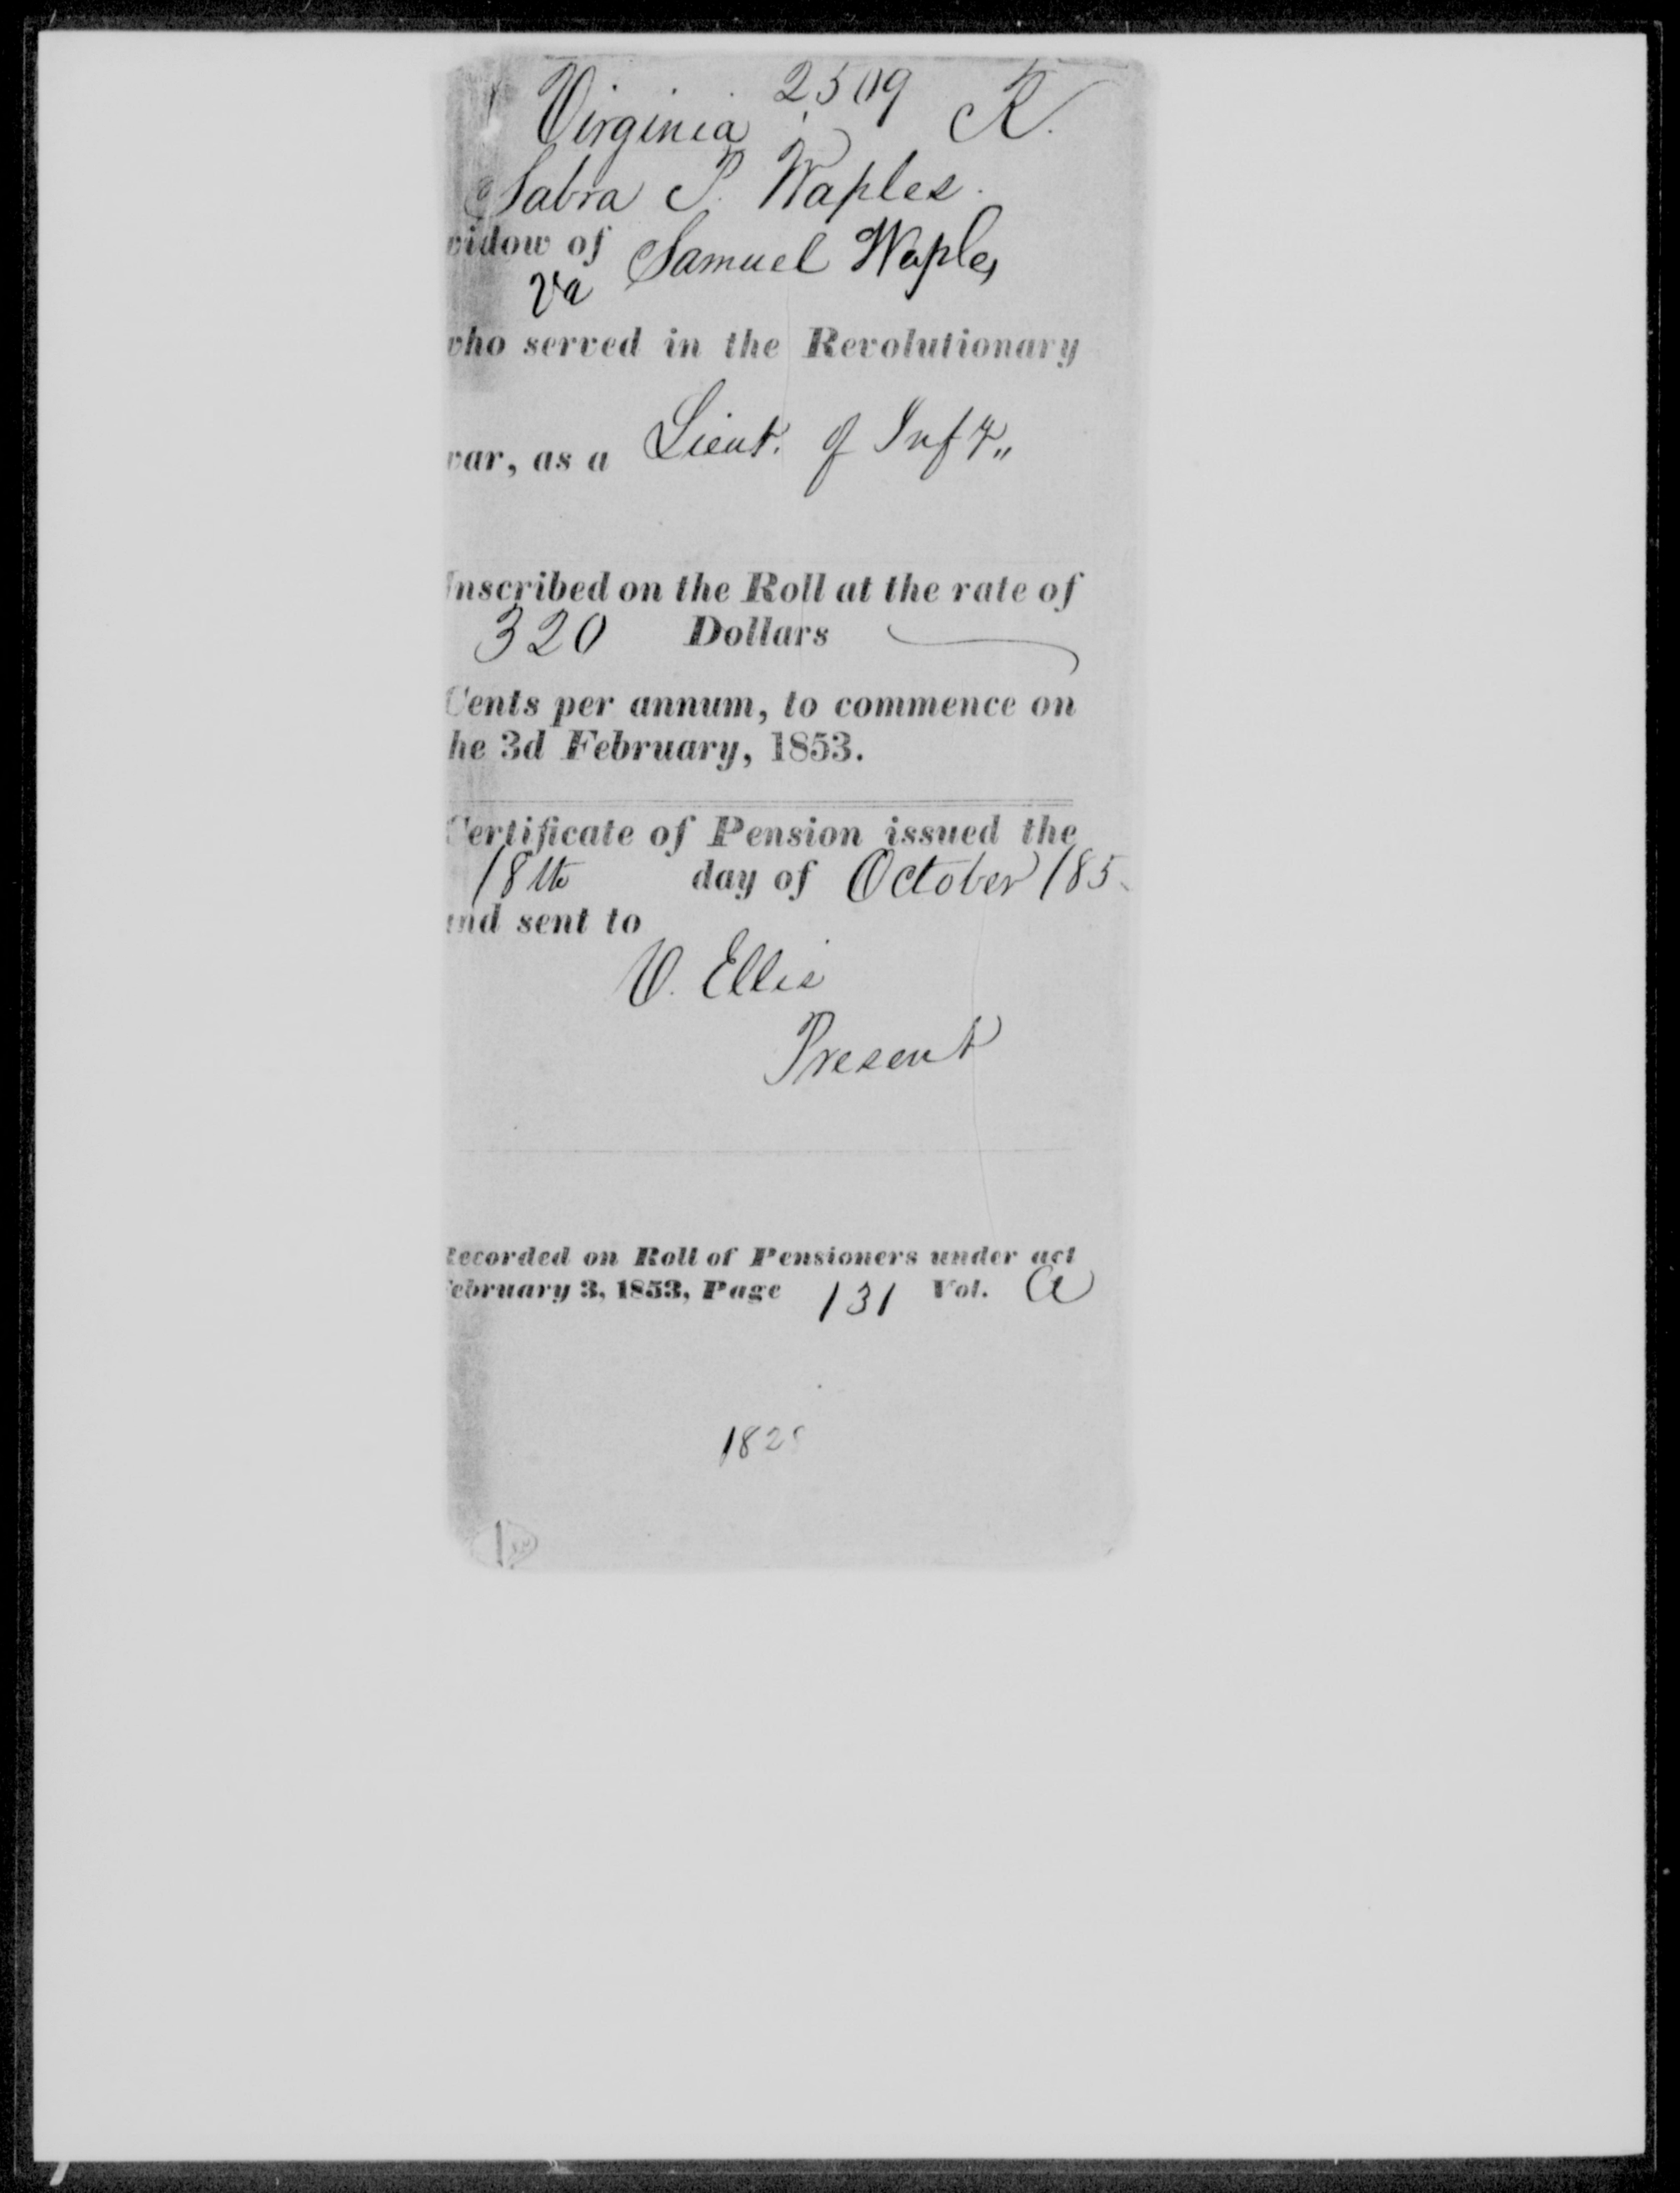2509
Virginia
R.
Sabra P. Waples.
Widow of Samuel Waples
Va

who the served in the Revolutionary war, as a Lieut. of Infty.,  

Inscribed on the Roll at the rate of 320 Dollars - Cents per annum, to commence on the 3d February, 1853.

Certificate of Pension issued the 18th day of October 1853 and sent to 

V. Ellis
Present

Recorded on Roll of Pensioners under act
February 2, 1853, Page 131 Vol. A
1828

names: Sabra P Waples, V Ellis, Samuel Waples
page: 2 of 59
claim: widow's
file: W. 6427, Samuel Waples, Va.